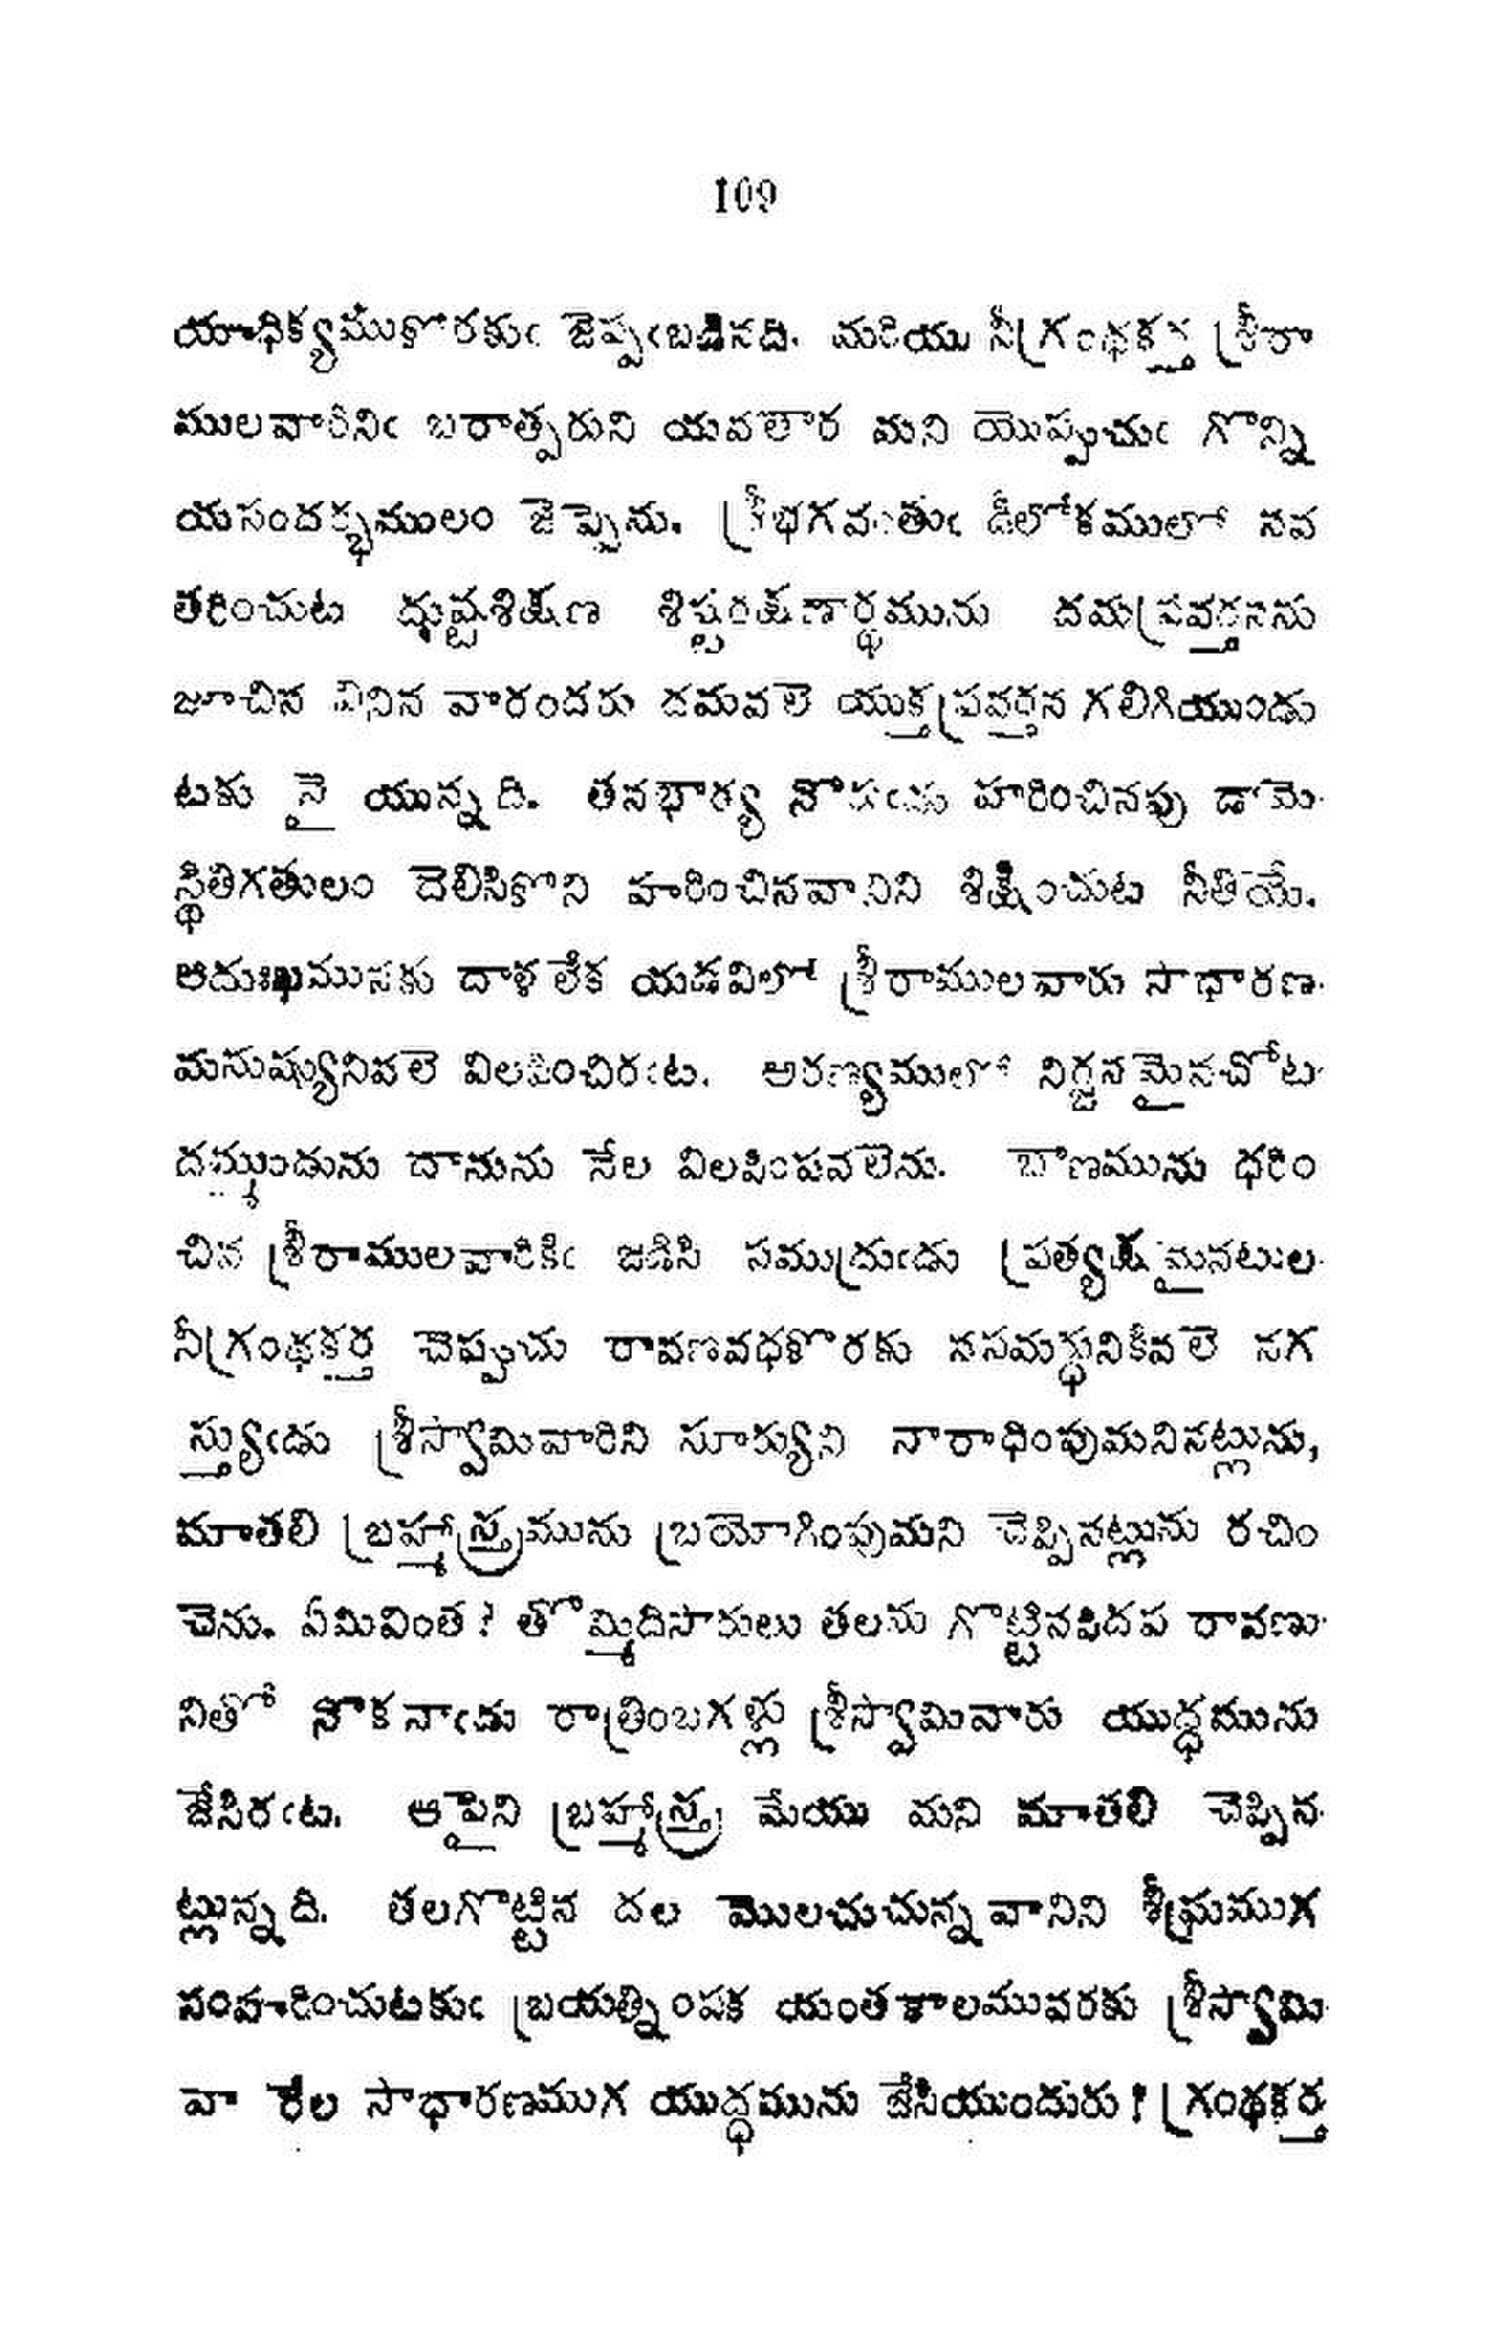యాధిక్యముకొరకుఁ జెప్పఁబడినది. మరియు నీగ్రంథకర్త శ్రీరాములవారినిఁ బరాత్పరుని యవతార మని యెప్పుచుఁ గొన్ని యసందర్భములం జెప్పెను. శ్రీభగవంతుఁ డీలోకములో నవతరించుట దుష్టశిక్షణ శిష్టరక్షణార్థమును దమప్రవర్తనను జూచిన వినిన వారందరు దమవలె యుక్త ప్రవర్తన గలిగియుండుటకు నై యున్నది. తనభార్య నొరుఁడు హరించినపు డామె స్థితిగతులం దెలిసికొని హరించినవానిని శిక్షించుట నీతియే. ఆదుఃఖమునకు దాళలేక యడవిలో శ్రీరాములవారు సాధారణ
మనుష్యునివలె విలపించిరఁట. అరణ్యములో నిర్జనమైనచోట దమ్ముండును దానును నేల విలపింపవలెను. బాణమును ధరించిన శ్రీరాములవారికిఁ జడిసి సముద్రుఁడు ప్రత్యక్షమైనటుల
నీగ్రంథకర్త చెప్పుచు రావణవధకొరకు ససమర్ధనికీవలె నగస్త్యుఁడు శ్రీస్వామివారిని సూర్యుని నారాధింపుమనినట్లును, మాతలి బ్రహ్మాస్త్రమును ప్రయోగింపుమని చెప్పినట్లును రచించెను. ఏమివింత ? తొమ్మిదిసారులు తలను గొట్టినపిదప రావణునితో నొకనాఁడు రాత్రింబగళ్లు శ్రీస్వామివారు యుద్ధమును జేసిరఁట. ఆపైని బ్రహ్మాస్త్ర మేయు మని మాతలి చెప్పినట్లున్నది. తలగొట్టిన దల మొలచుచున్న వానిని శీఘ్రముగ సంహరించుటకుఁ బ్రయత్నింపక యంతకాలమువరకు శ్రీస్వామి
వా రేల సాధారణముగ యుద్ధమును జేసియుందురు ! గ్రంథకర్త